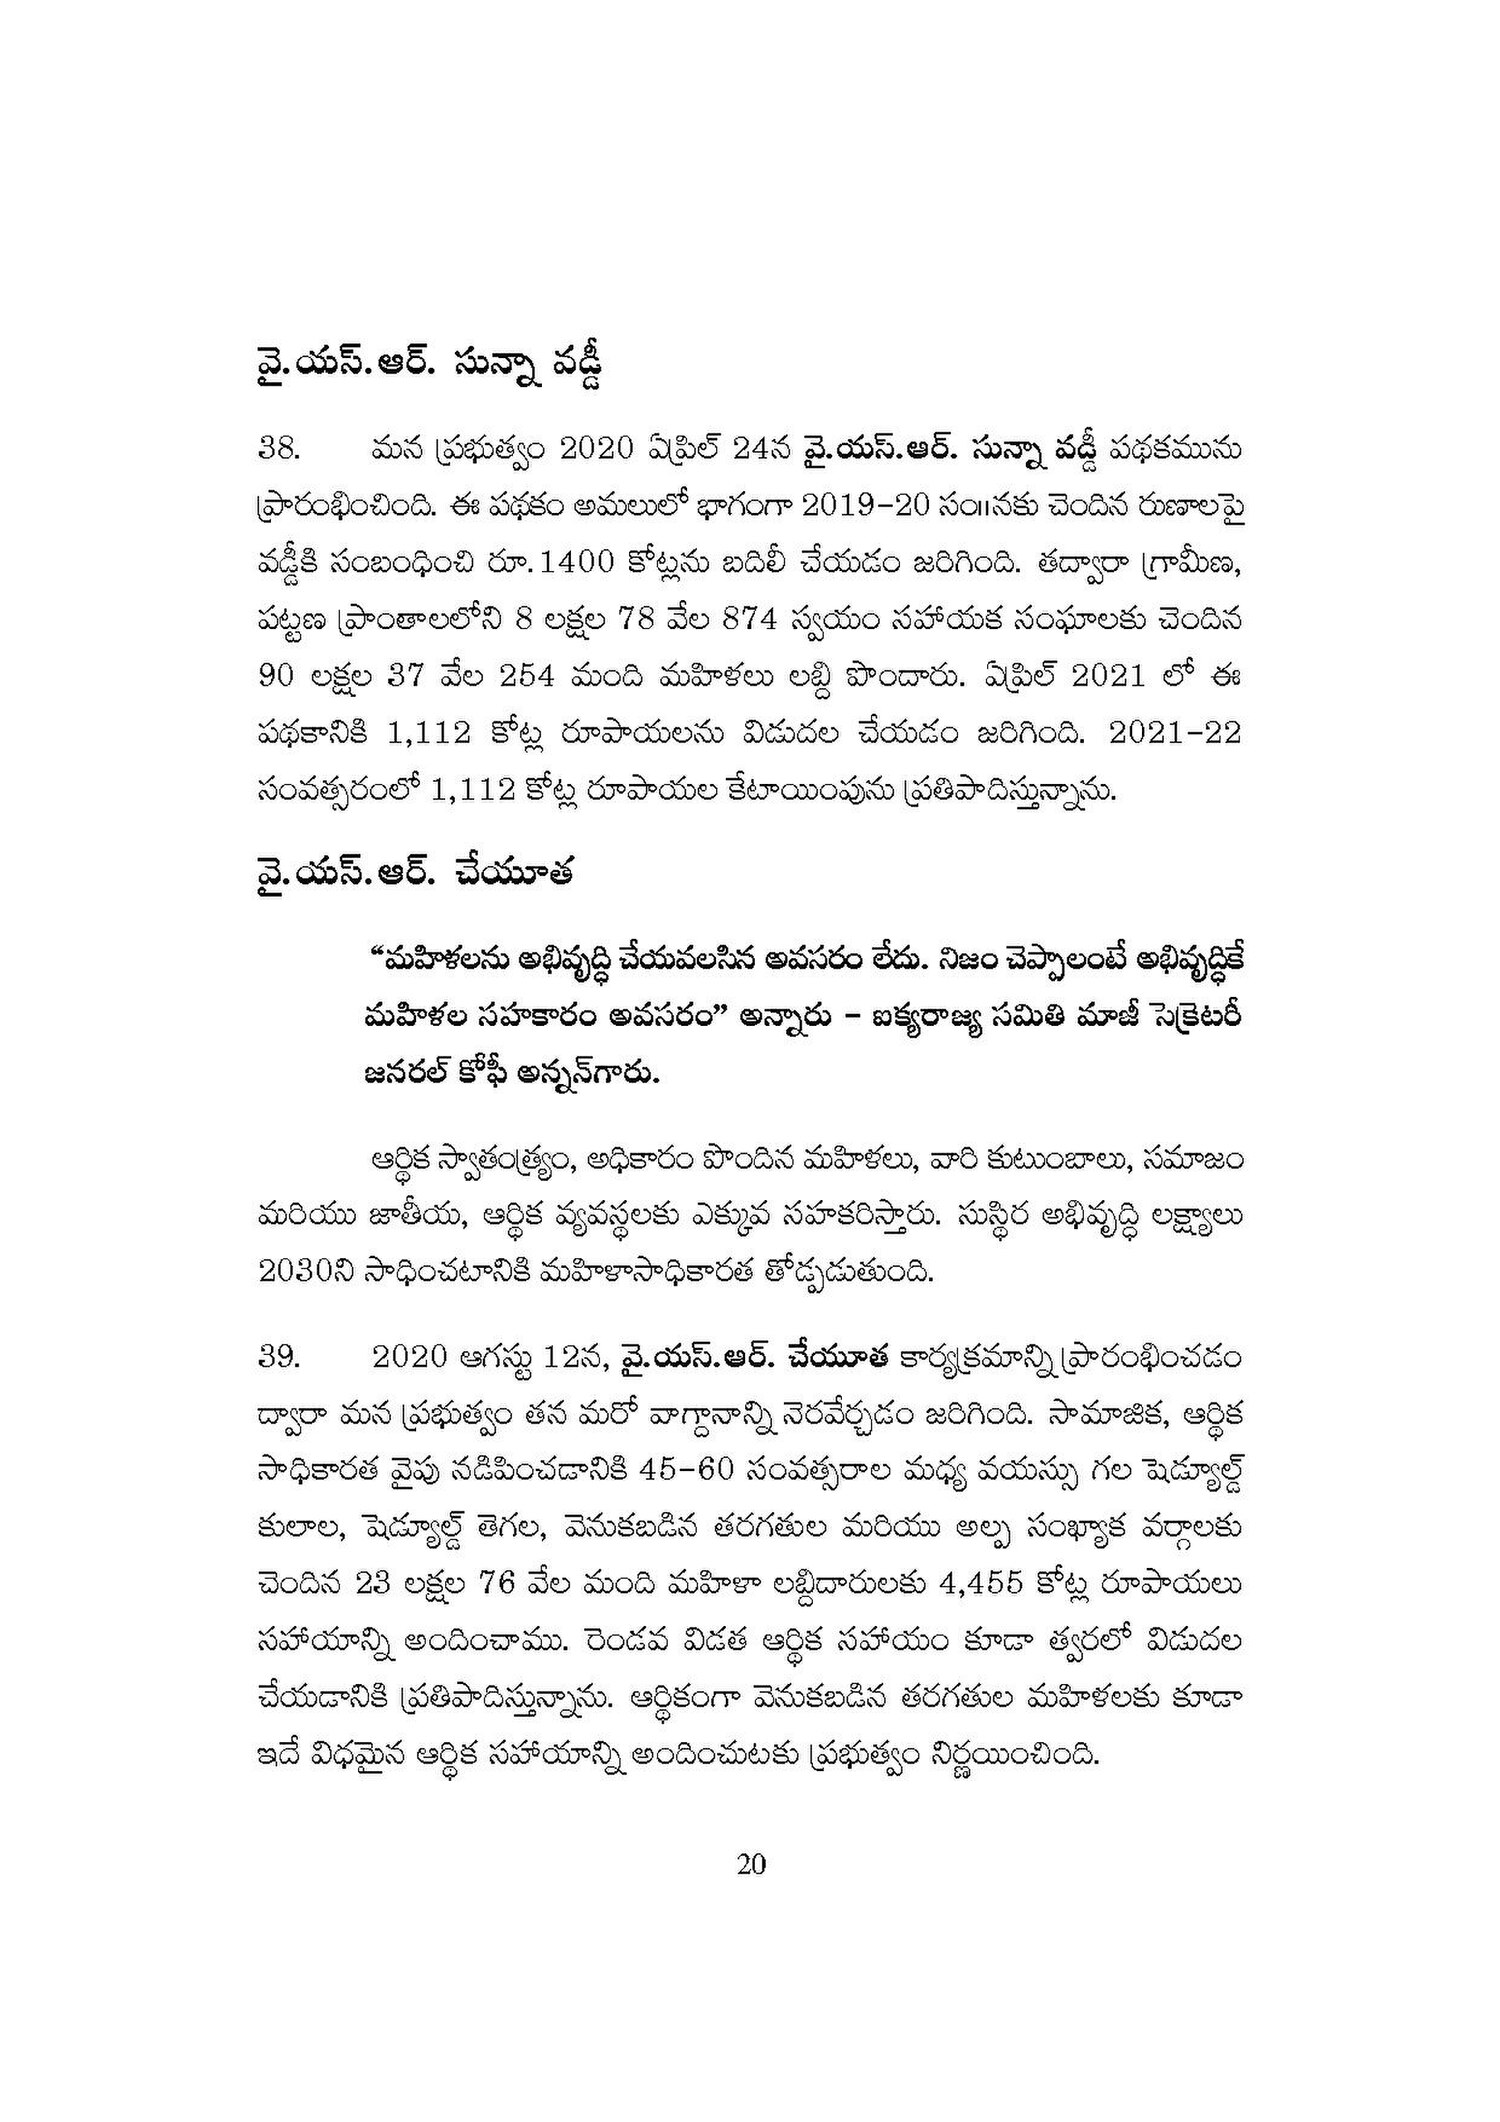వై.యస్.ఆర్. సున్నా వడ్డీ

38. మన ప్రభుత్వం 2020 ఏప్రిల్ 24న వై.యస్.ఆర్. సున్నా వడ్డీ పథకమును
ప్రారంభించింది. ఈ పథకం అమలులో భాగంగా 2019-20 సం॥నకు చెందిన రుణాలపై
వడ్డీకి సంబంధించి రూ.1400 కోట్లను బదిలీ చేయడం జరిగింది. తద్వారా గ్రామీణ,
పట్టణ ప్రాంతాలలోని 8 లక్షల 78 వేల 874 స్వయం సహాయక సంఘాలకు చెందిన
90 లక్షల 37 వేల 254 మంది మహిళలు లబ్ధి పొందారు. ఏప్రిల్ 2021 లో ఈ
పథకానికి 1,112 కోట్ల రూపాయలను విడుదల చేయడం జరిగింది. 2021-22
సంవత్సరంలో 1,112 కోట్ల రూపాయల కేటాయింపును ప్రతిపాదిస్తున్నాను.

వై.యస్.ఆర్. చేయూత

“మహిళలను అభివృద్ధి చేయవలసిన అవసరం లేదు. నిజం చెప్పాలంటే అభివృద్ధి కే
మహిళల సహకారం అవసరం” అన్నారు - ఐక్యరాజ్య సమితి మాజీ సెక్రెటరీ
జనరల్ కోఫీ అన్నన్ గారు.

ఆర్థిక స్వాతంత్ర్యం, అధికారం పొందిన మహిళలు, వారి కుటుంబాలు, సమాజం
మరియు జాతీయ, ఆర్థిక వ్యవస్థలకు ఎక్కువ సహకరిస్తారు. సుస్థిర అభివృద్ధి లక్ష్యాలు
2030ని సాధించటానికి మహిళా సాధికారత తోడ్పడుతుంది.

39. 2020 ఆగస్టు 12న, వై.యస్.ఆర్. చేయూత కార్యక్రమాన్ని ప్రారంభించడం
ద్వారా మన ప్రభుత్వం తన మరో వాగ్దానాన్ని నెరవేర్చడం జరిగింది. సామాజిక, ఆర్థిక
సాధికారత వైపు నడిపించడానికి 45-60 సంవత్సరాల మధ్య వయస్సు గల షెడ్యూల్డ్
కులాల, షెడ్యూల్డ్ తెగల, వెనుకబడిన తరగతుల మరియు అల్ప సంఖ్యాక వర్గాలకు
చెందిన 23 లక్షల 76 వేల మంది మహిళా లబ్దిదారులకు 4,455 కోట్ల రూపాయలు
సహాయాన్ని అందించాము. రెండవ విడత ఆర్థిక సహాయం కూడా త్వరలో విడుదల
చేయడానికి ప్రతిపాదిస్తున్నాను. ఆర్థికంగా వెనుకబడిన తరగతుల మహిళలకు కూడా
ఇదే విధమైన ఆర్థిక సహాయాన్ని అందించుటకు ప్రభుత్వం నిర్ణయించింది.